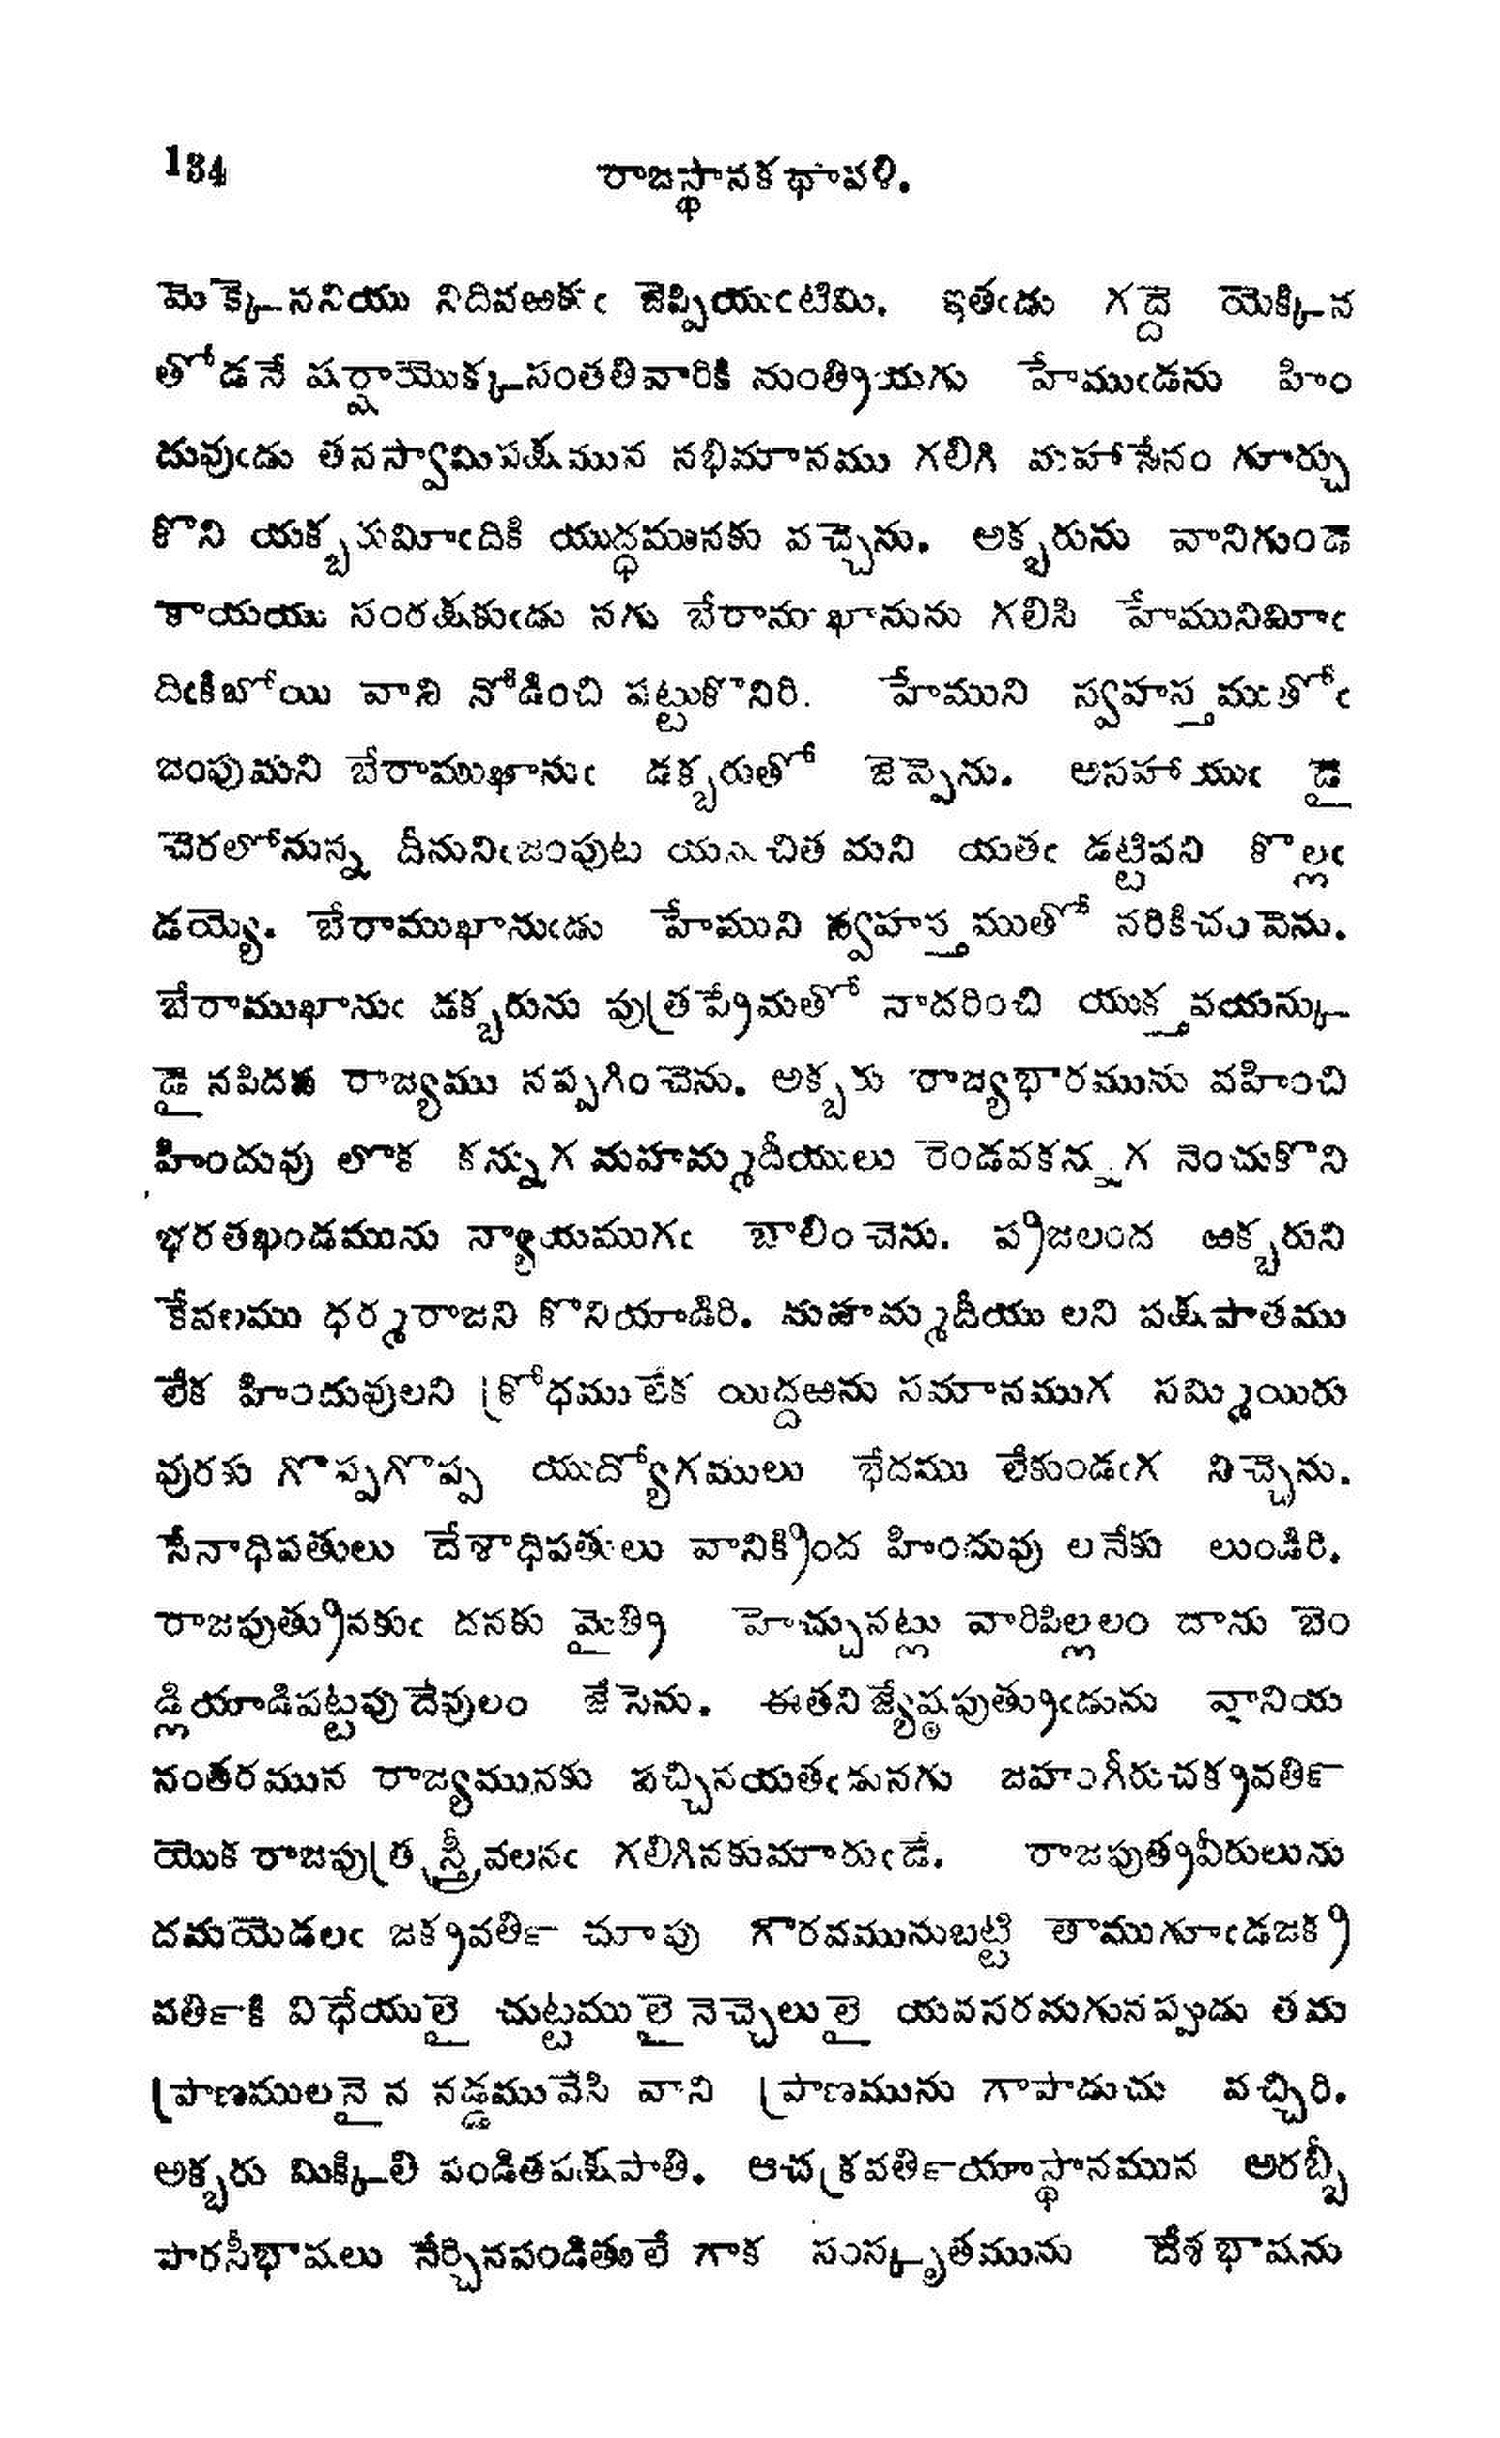మెక్కెననియు నిదివఱకుఁ జెప్పియుంటిమి, ఇతఁడు గద్దె యెక్కిన తోడనే షర్షా యొక్క సంతతి వారికి మంత్రియగు హేముఁడను హిం
దువుఁడు తన స్వామి పక్షమున నభిమానము గలిగి మహాసేనం గూర్చుకొని యక్బరు మీఁదికి యుద్ధమునకు వచ్చెను. అక్బరును వానిగుండె
కాయయు సంరక్షకుఁడు నగు బేరాముఖానును గలిసి హేమునిమీఁదిఁకి బోయి వాని నోడించి పట్టుకొనిరి. హేముని స్వహస్తముతోఁ జంపుమని బేరాముఖానుఁ డక్బరుతో జెప్పెను. అసహాయుఁ డై చెరలోనున్న దీనునిఁజంపుట యనుచిత మని యతఁ డట్టిపని కొల్లండయ్యె. బేరాముఖానుఁడు హేముని స్వహస్తముతో నరికిచంపెను. బేరాముఖానుఁ డక్బరును పుత్ర ప్రేమతో నాదరించి యుక్త వయస్కుడైన పిదప రాజ్యము నప్పగించెను. అక్బరు రాజ్యభారమును వహించి హిందువు లొక కన్నుగ మహమ్మదీయులు రెండవకన్నగ నెంచుకొని భరతఖండమును న్యాయముగఁ బాలించెను. ప్రజలంద ఱక్బరుని కేవలము ధర్మరాజని కొనియాడిరి. మహమ్మదీయు లని పక్షపాతము
లేక హిందువులని క్రోధము లేక యిద్దఱను సమానముగ నమ్మియిరువురకు గొప్పగొప్ప యుద్యోగములు భేదము లేకుండఁగ నిచ్చెను.
సేనాధిపతులు దేశాధిపతులు వానిక్రింద హిందువు లనేకు లుండిరి. రాజపుత్రునకుఁ దనకు మైత్రి హెచ్చునట్లు వారిపిల్లలం దాను 'బెం
డ్లియాడి పట్టపు దేవులం జేసెను. ఈతని జ్యేష్ఠపుత్రుండును వాని యనంతరమున రాజ్యమునకు వచ్చినయతఁడునగు జహంగీరు చక్రవతి౯
యొక రాజపుత్ర స్త్రీ వలనఁ గలిగినకుమారుఁడే. రాజపుత్ర వీరులును దమయెడలఁ జక్రవతి౯ చూపు గౌరవమునుబట్టి తాముగూఁడజక్ర
వతి౯కి విధేయులై చుట్టములై నెచ్చెలులై యవసరమగునప్పుడు తమ ప్రాణములనైన నడ్డము వేసి వాని ప్రాణమును గాపాడుచు వచ్చిరి.
అక్బరు మిక్కిలి పండితపక్షపాతి. ఆచక్రవతి౯ యాస్థానమున అరబ్బీ పారసీ భాషలు నేర్చినపండితులే గాక సంస్కృతమును దేశభాషను